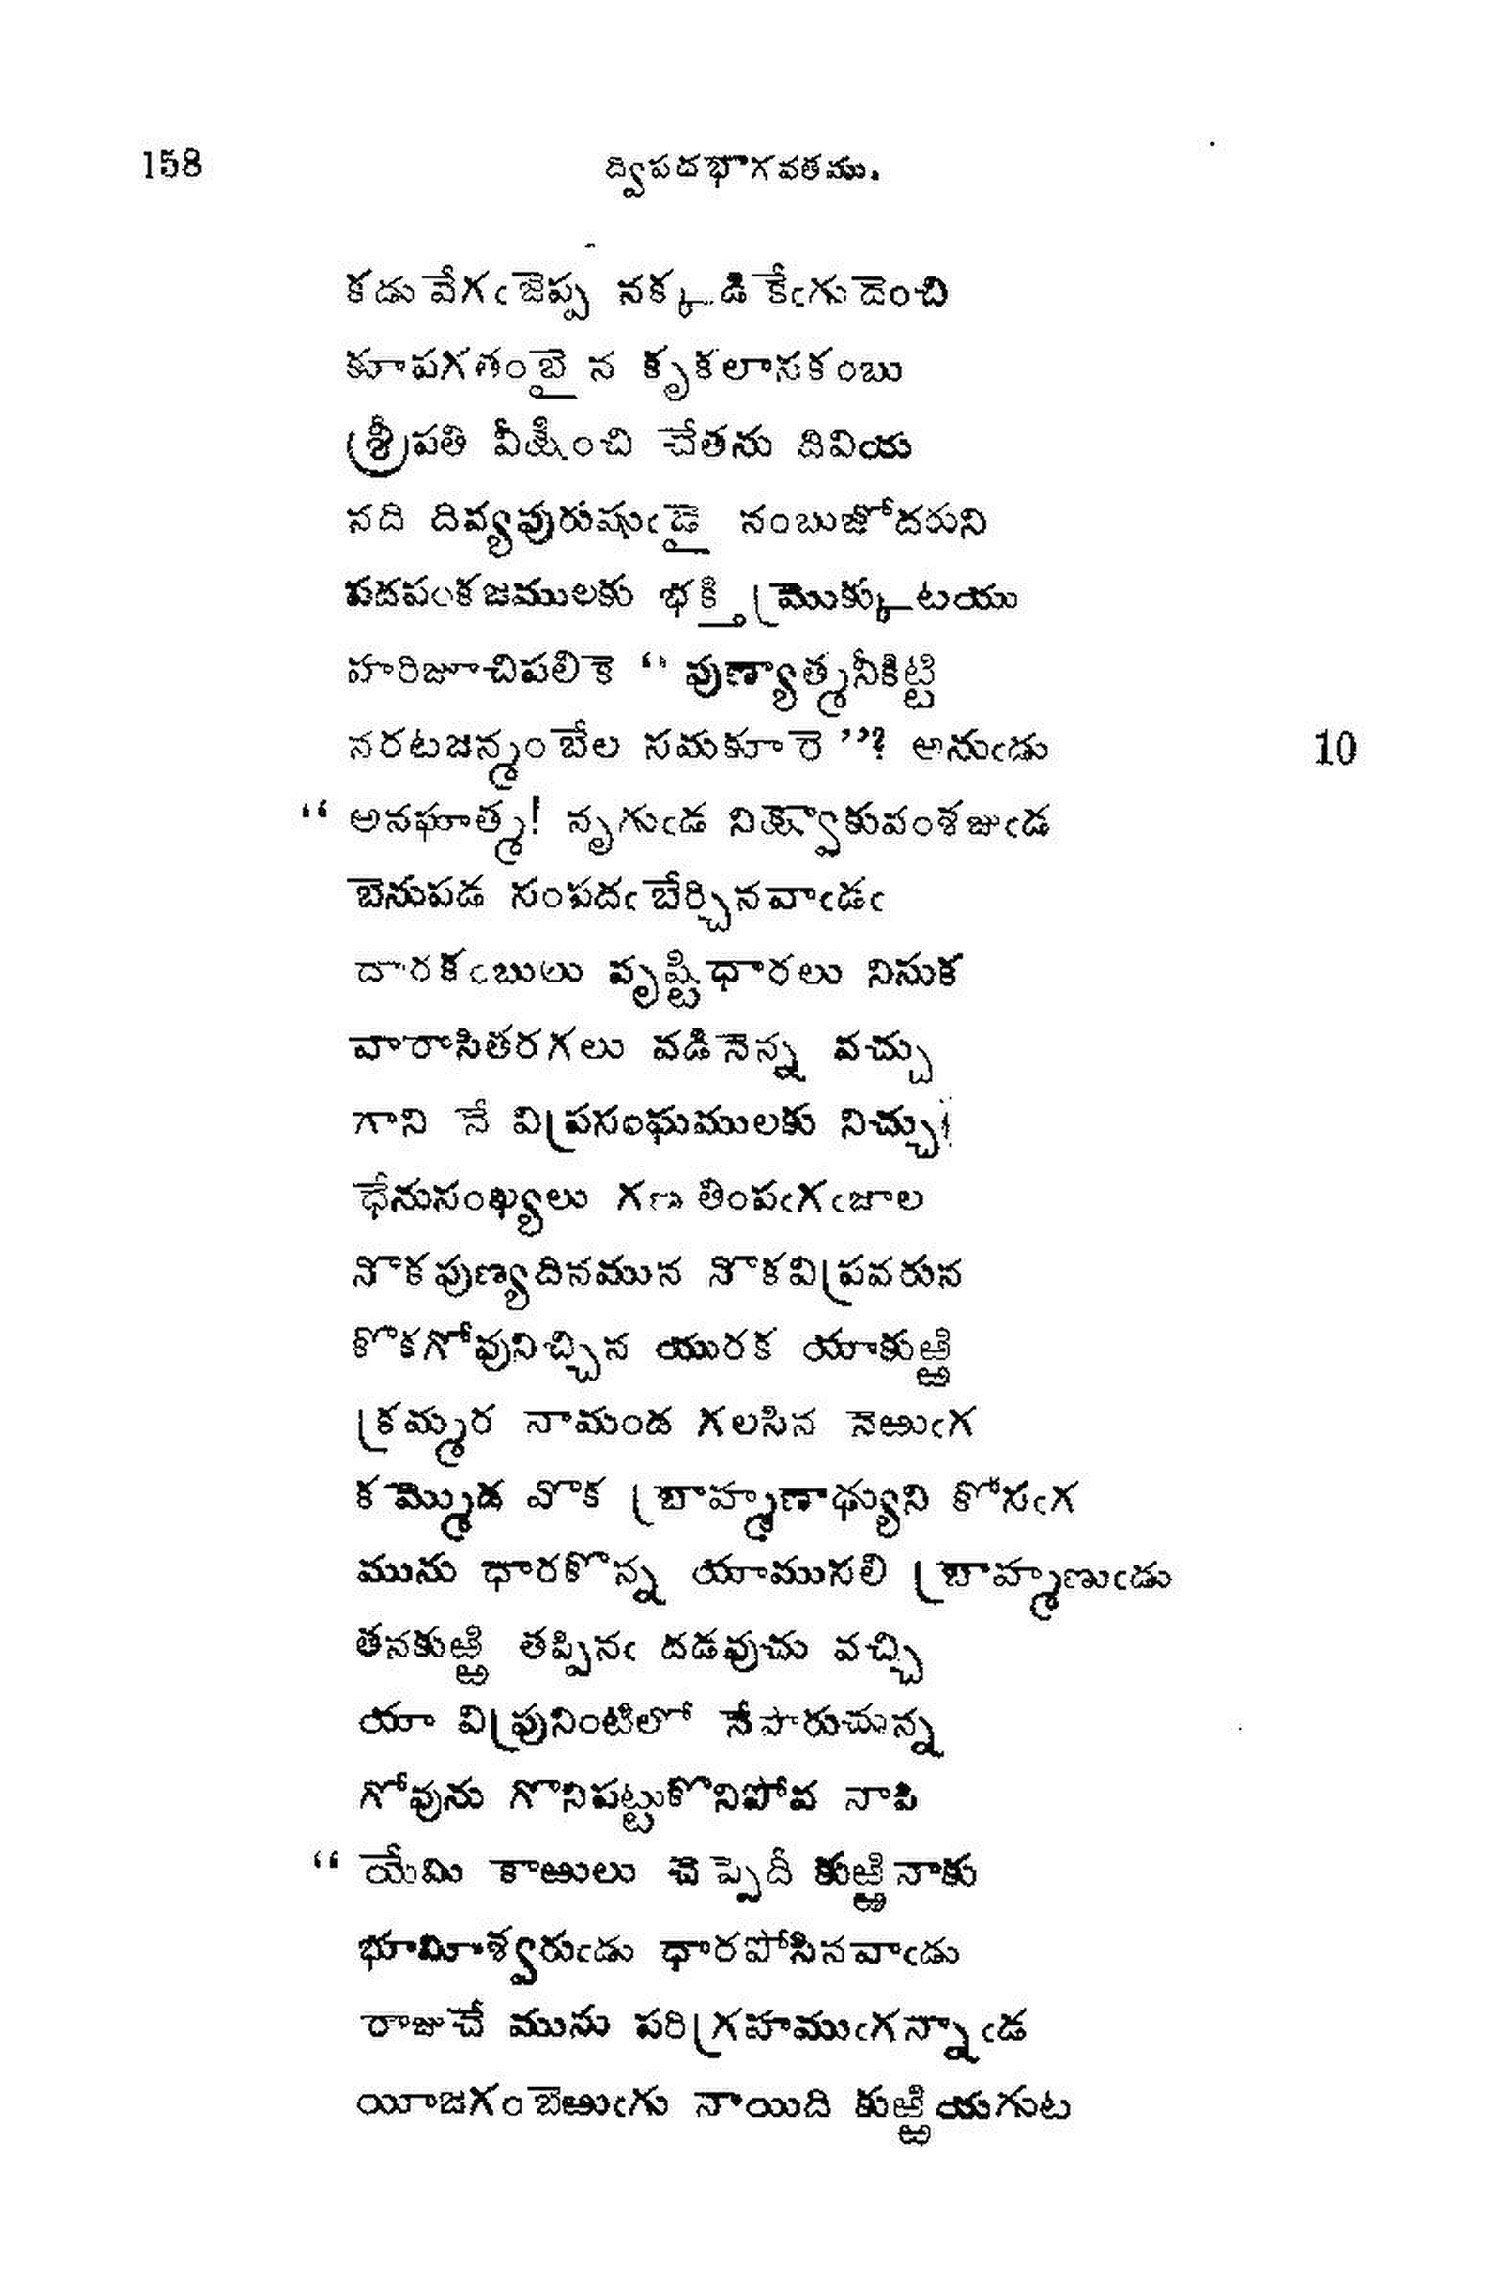కడువేగఁజెప్ప నక్కడికేఁగుదెంచి
కూపగతంబైన కృకలాసకంబు
శ్రీపతి వీక్షించి చేతను దివియ
నది దివ్యపురుషుఁడై నంబుజోదరుని
పదపంకజములకు భక్తి మ్రొక్కుటయు
హరిజూచి పలికె “పుణ్యాత్మ! నీకిట్టి
సరటజన్మం బేల సమకూరె?” అనుఁడు
“అనఘాత్మ! నృగుఁడ నిక్ష్వాకువంశజుఁడ
బెనుపడ సంపదఁబేర్చినవాఁడఁ
దారకంబులు వృష్టిధారలు నిసుక
వారాసితరగలు వడినెన్న వచ్చు
గాని నే విప్రసంఘములకు నిచ్చు
ధేనుసంఖ్యలు గణతింపఁగఁజాల
నొకపుణ్యదినమున నొకవిప్రవరున
కొకగోవునిచ్చిన యురక యాకుఱ్ఱి 
క్రమ్మర నామంద గలసిన నెఱుఁగ
కమ్మొద వొక బ్రాహ్మణాఢ్యుని కొసఁగ
మును ధారకొన్న యాముసలి బ్రాహ్మణుఁడు
తనకుఱ్ఱి తప్పినఁ దడవుచు వచ్చి
యావిప్రునింటిలో నేపారుచున్న
గోవును గొనిపట్టుకొనిపోవ నాపి
“యేమి కాఱులు చెప్పెదీకుఱ్ఱి నాకు
భూమీశ్వరుఁడు ధారపోసినవాఁడు
రాజుచే మును పరిగ్రహముఁగన్నాఁడ
యీజగంబెఱుఁగు నా యిది కుఱ్ఱియగుట